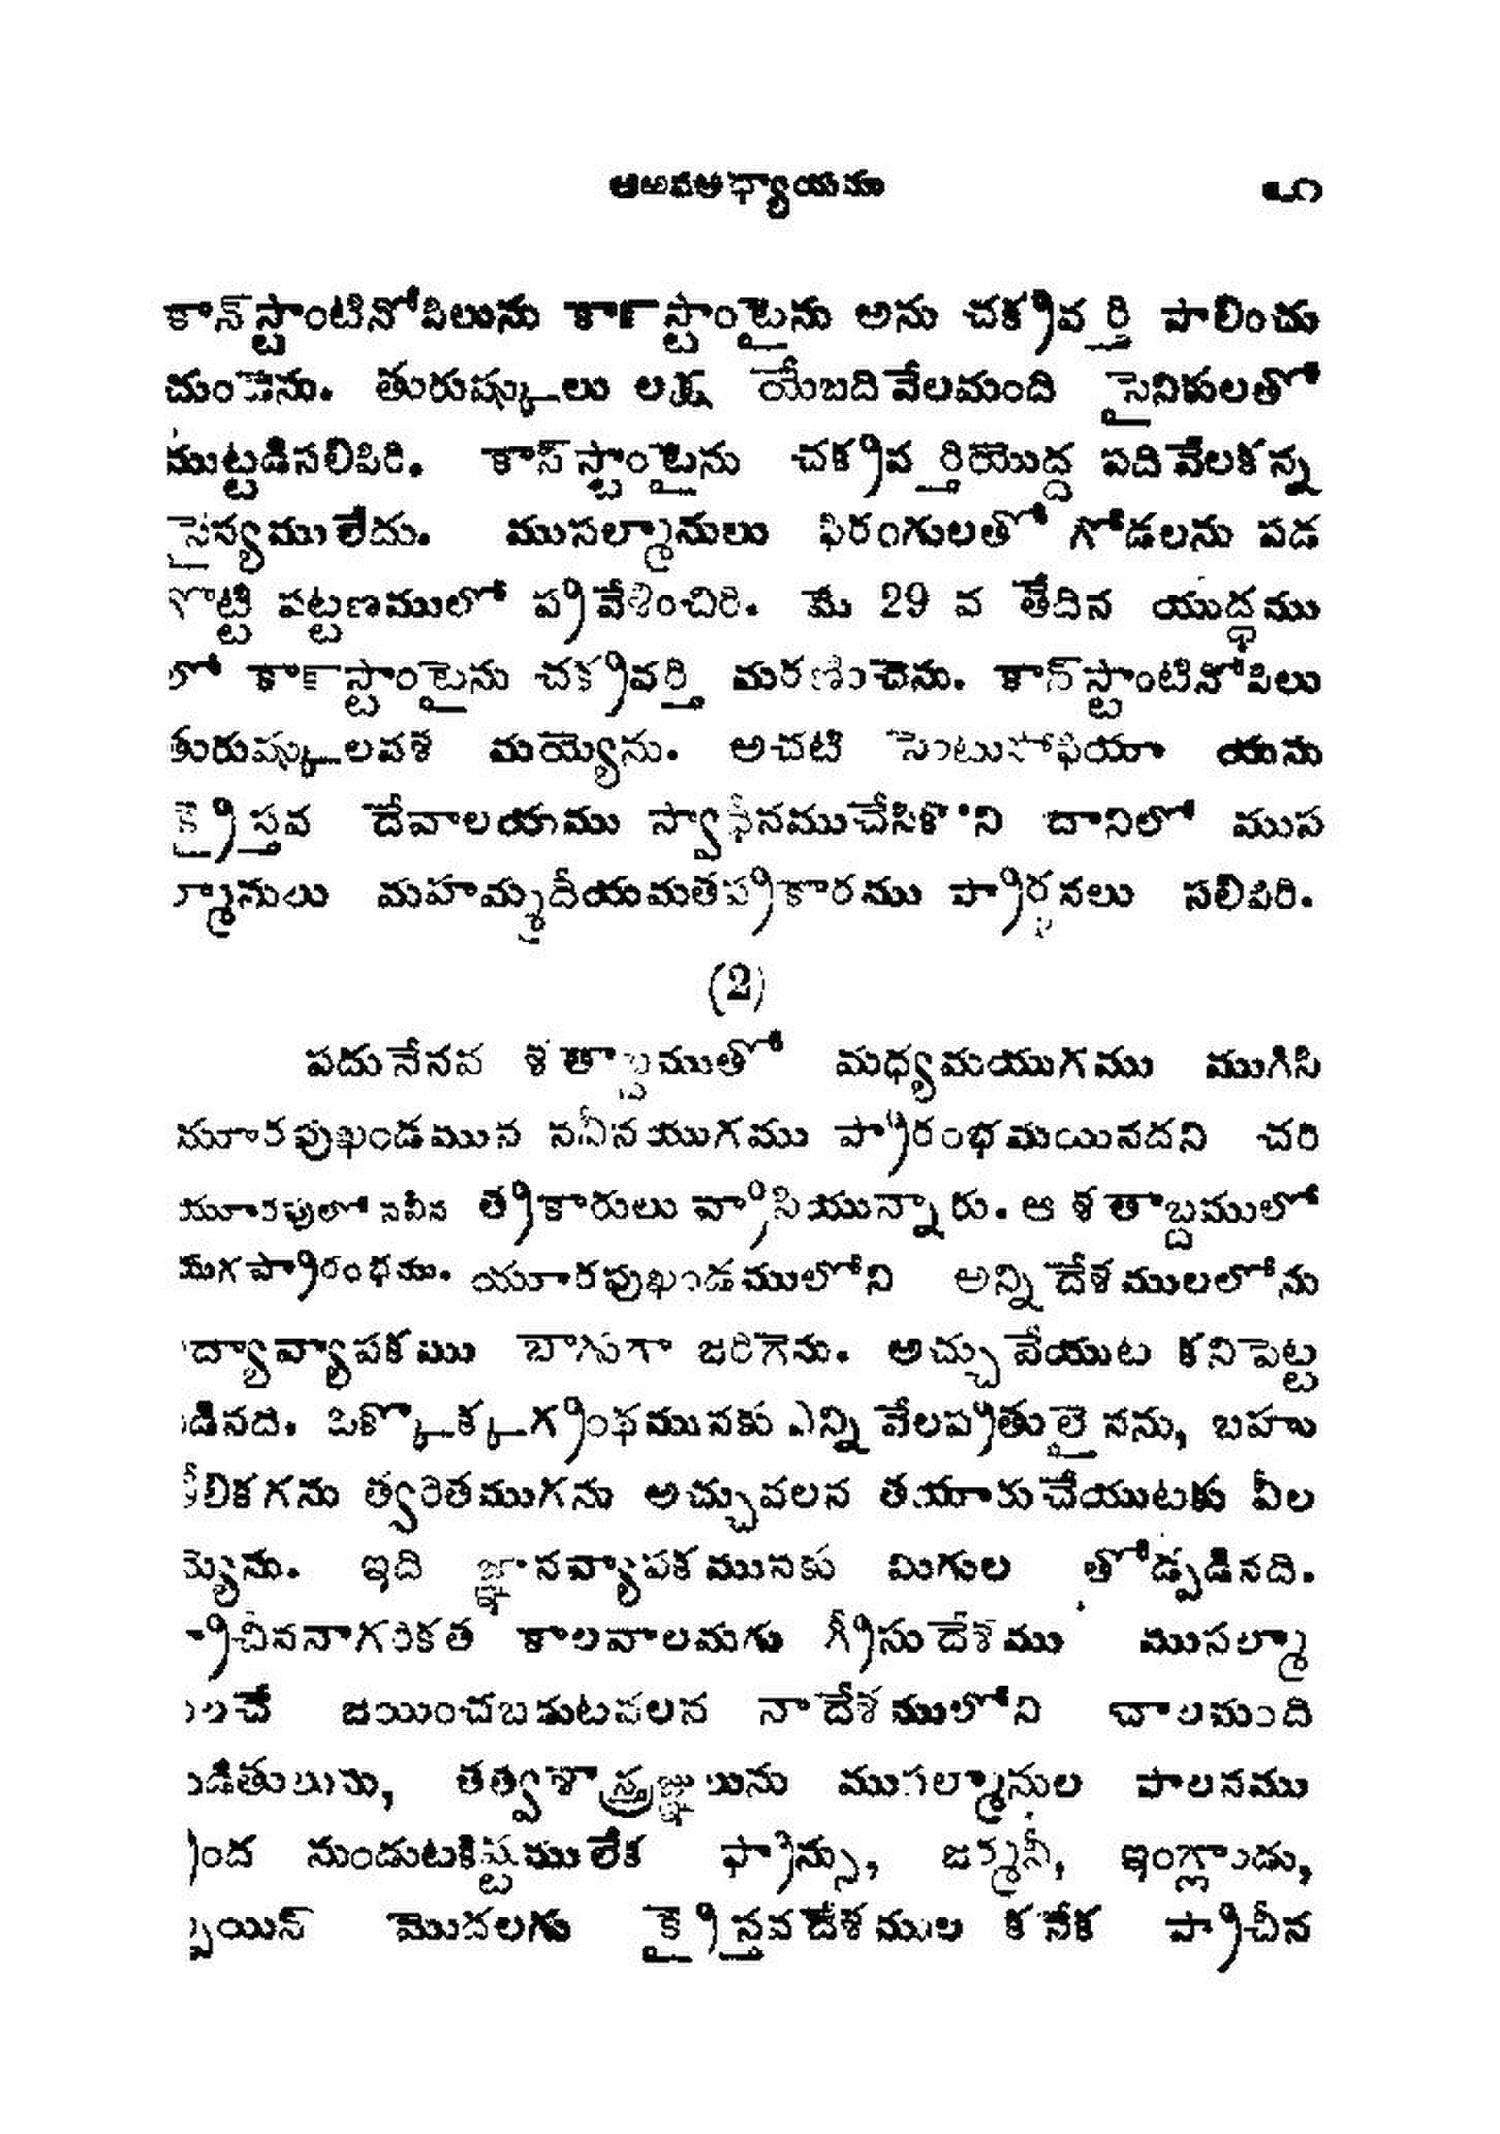కాన్ స్టాంటినోపిలును కాన్ స్టాంటైను అను చక్రవర్తి పాలించు
చుండెను. తురుష్కులు లక్ష యేబది వేలమంది సైనికులతో
ముట్టడి సలిపిరి, కాస్ స్టాంటైను చక్రవర్తియొద్ద పది వేలకన్న
సైన్యము లేదు. ముసల్మానులు ఫిరంగులతో గోడలను పడ
గొట్టి పట్టణములో ప్రవేశించిరి. మే 29 వ తేదిన యుద్ధములో
కాన్ స్టాంటైను చక్రవర్తి మరణించెను. కాస్ స్టాంటినోపిలు
తురుష్కులవశ మయ్యెను. అచటి 'సెంటుసోఫియా యను
క్రైస్తవ దేవాలయము స్వాదీనము చేసి కొని దానిలో ముస
స్మాసులు మహమ్మదీయ మత ప్రకారము ప్రార్థనలు సలిపిరి.

యూరపులో నవీన 
యుగ ప్రారంభము.
పదు నేనవ శతాబ్దముతో మధ్యమయుగము ముగిసి
యూరపుఖండమున నవీన యుగము ప్రారంభ మయినదని చరి
త్రకారులు వ్రాసియున్నారు. ఆ శతాబ్దములో
యూరపుఖండములోని అన్ని దేశములలోను
'ద్యావ్యాపకము బాగుగా జరిగెను. అచ్చు వేయుట కని పెట్ట
డినది. ఒక్కొక్క గ్రంథమునకు ఎన్ని వేలపతులై నను, బహు
తేలికగసు త్వరితముగను అచ్చువలన తయారు చేయుటకు వీల
మ్యెను. ఇది జ్నానవ్యాపకమునకు మిగుల తోడ్పడినది.
ప్రాచిన నాగరికత కాలవాలమగు గీసు దేశము' ముసల్మాలచే
జయించబడుటవలన నాదేశములోని చాలమంది
పండితులు, తత్వశాస్త్రజ్ఞులను ముసల్మానుల పాలనము
క్రింద నుండుటకిష్టము లేక ఫ్రాన్సు, జర్మనీ, ఇంగ్లాండు,
స్పెయిన్ మొదలగు క్రైస్తవ దేశముల కనేక ప్రాచీన